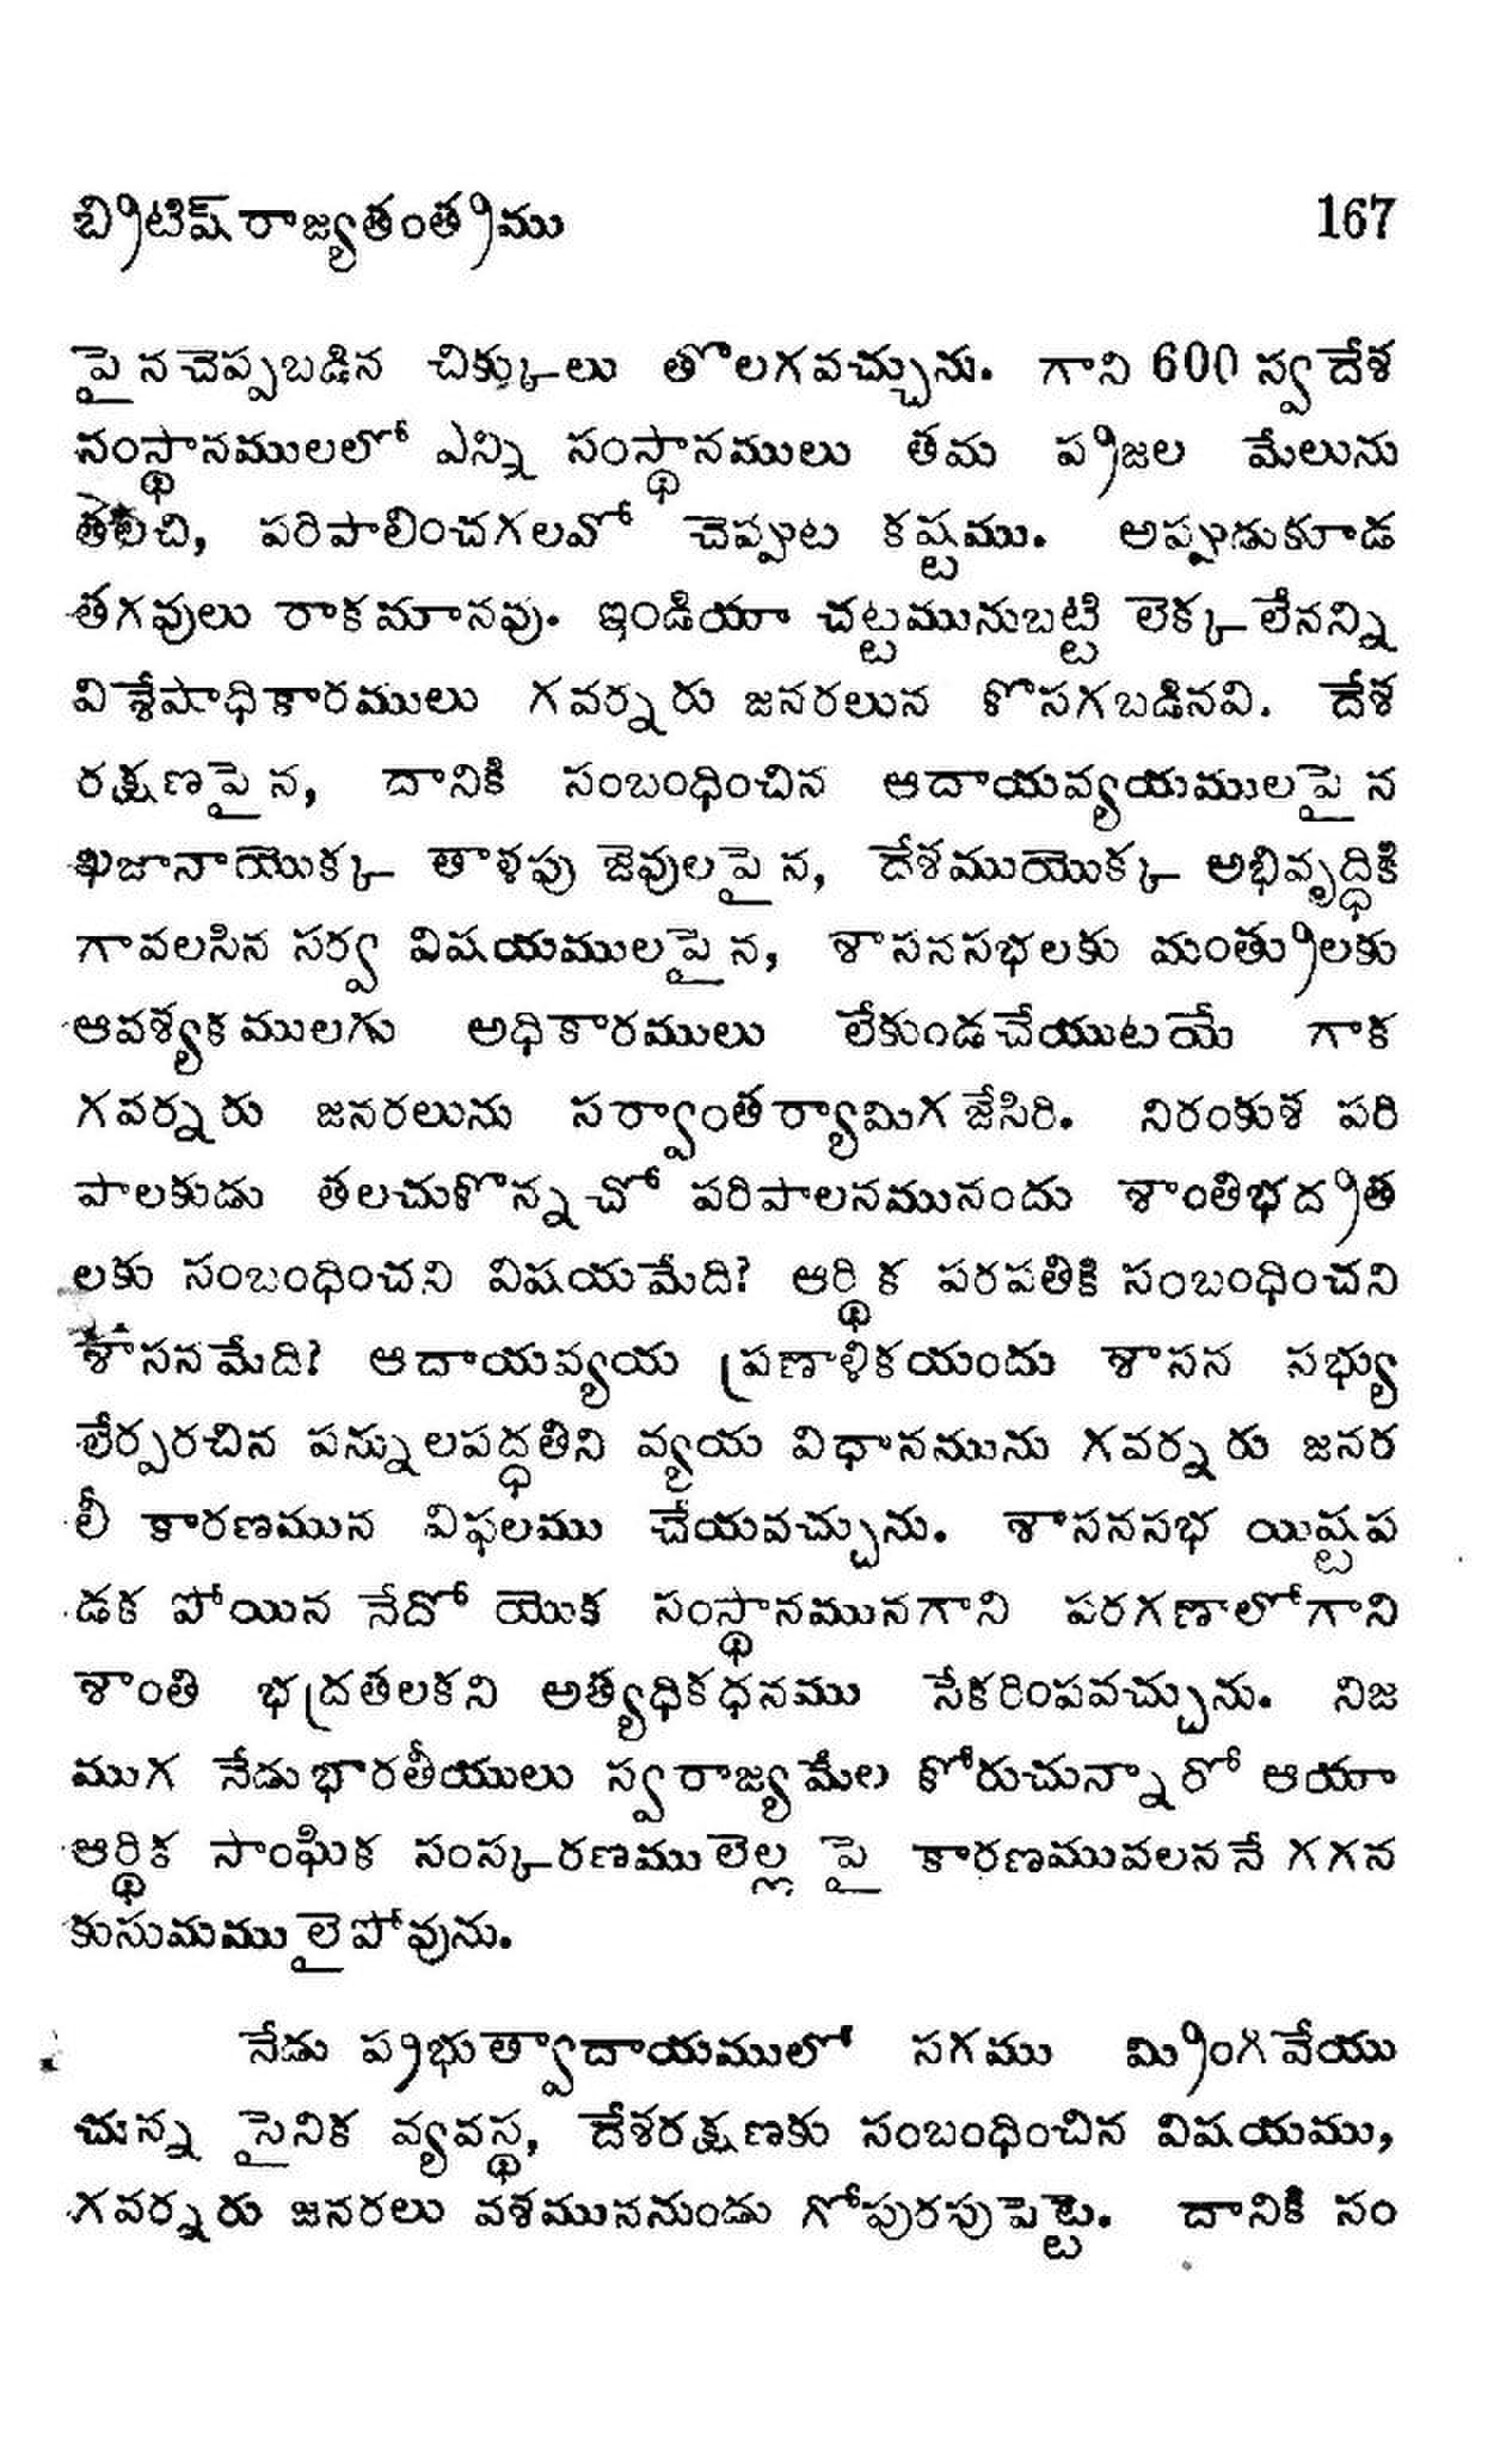పైనచెప్పబడిన చిక్కులు తొలగవచ్చును. గాని 600 స్వదేశ సంస్థానములలో ఎన్ని సంస్థానములు తమ ప్రజల మేలును తలిచి, పరిపాలించగలవో చెప్పుట కష్టము. అప్పుడుకూడ తగవులు రాకమానవు. ఇండియా చట్టమునుబట్టి లెక్కలేనన్ని విశేషాధికారములు గవర్నరు జనరలున కొసగబడినవి. దేశ రక్షణపైన, దానికి సంబంధించిన ఆదాయవ్యయములపైన ఖజానాయొక్క తాళపు జెవులపైన, దేశముయొక్క అభివృద్ధికి గావలసిన సర్వ విషయములపైన, శాసనసభలకు మంత్రులకు ఆవశ్యకములగు అధికారములు లేకుండచేయుటయే గాక గవర్నరు జనరలును సర్వాంతర్యామిగజేసిరి. నిరంకుశ పరిపాలకుడు తలచుకొన్నచో పరిపాలనమునందు శాంతిభద్రతలకు సంబంధించని విషయమేది? ఆర్థిక పరపతికి సంబంధించని శాసనమేది? ఆదాయవ్యయ ప్రణాళికయందు శాసన సభ్యులేర్పరచిన పన్నులపద్దతిని వ్యయ విధానమును గవర్నరు జనరలీ కారణమున విఫలము చేయవచ్చును. శాసనసభ యిష్టపడక పోయిన నేదో యొక సంస్థానమునగాని పరగణాలోగాని శాంతి భద్రతలకని అత్యధికధనము సేకరింపవచ్చును. నిజముగ నేడుభారతీయులు స్వరాజ్యమేల కోరుచున్నారో ఆయా ఆర్థిక సాంఘిక సంస్కరణములెల్ల పై కారణమువలననే గగన కుసుమములైపోవును.

నేడు ప్రభుత్వాదాయములో సగము మ్రింగివేయుచున్న సైనిక వ్యవస్థ, దేశరక్షణకు సంబంధించిన విషయము, గవర్నరు జనరలు వశముననుండు గోపురపుపెట్టె. దానికి సం